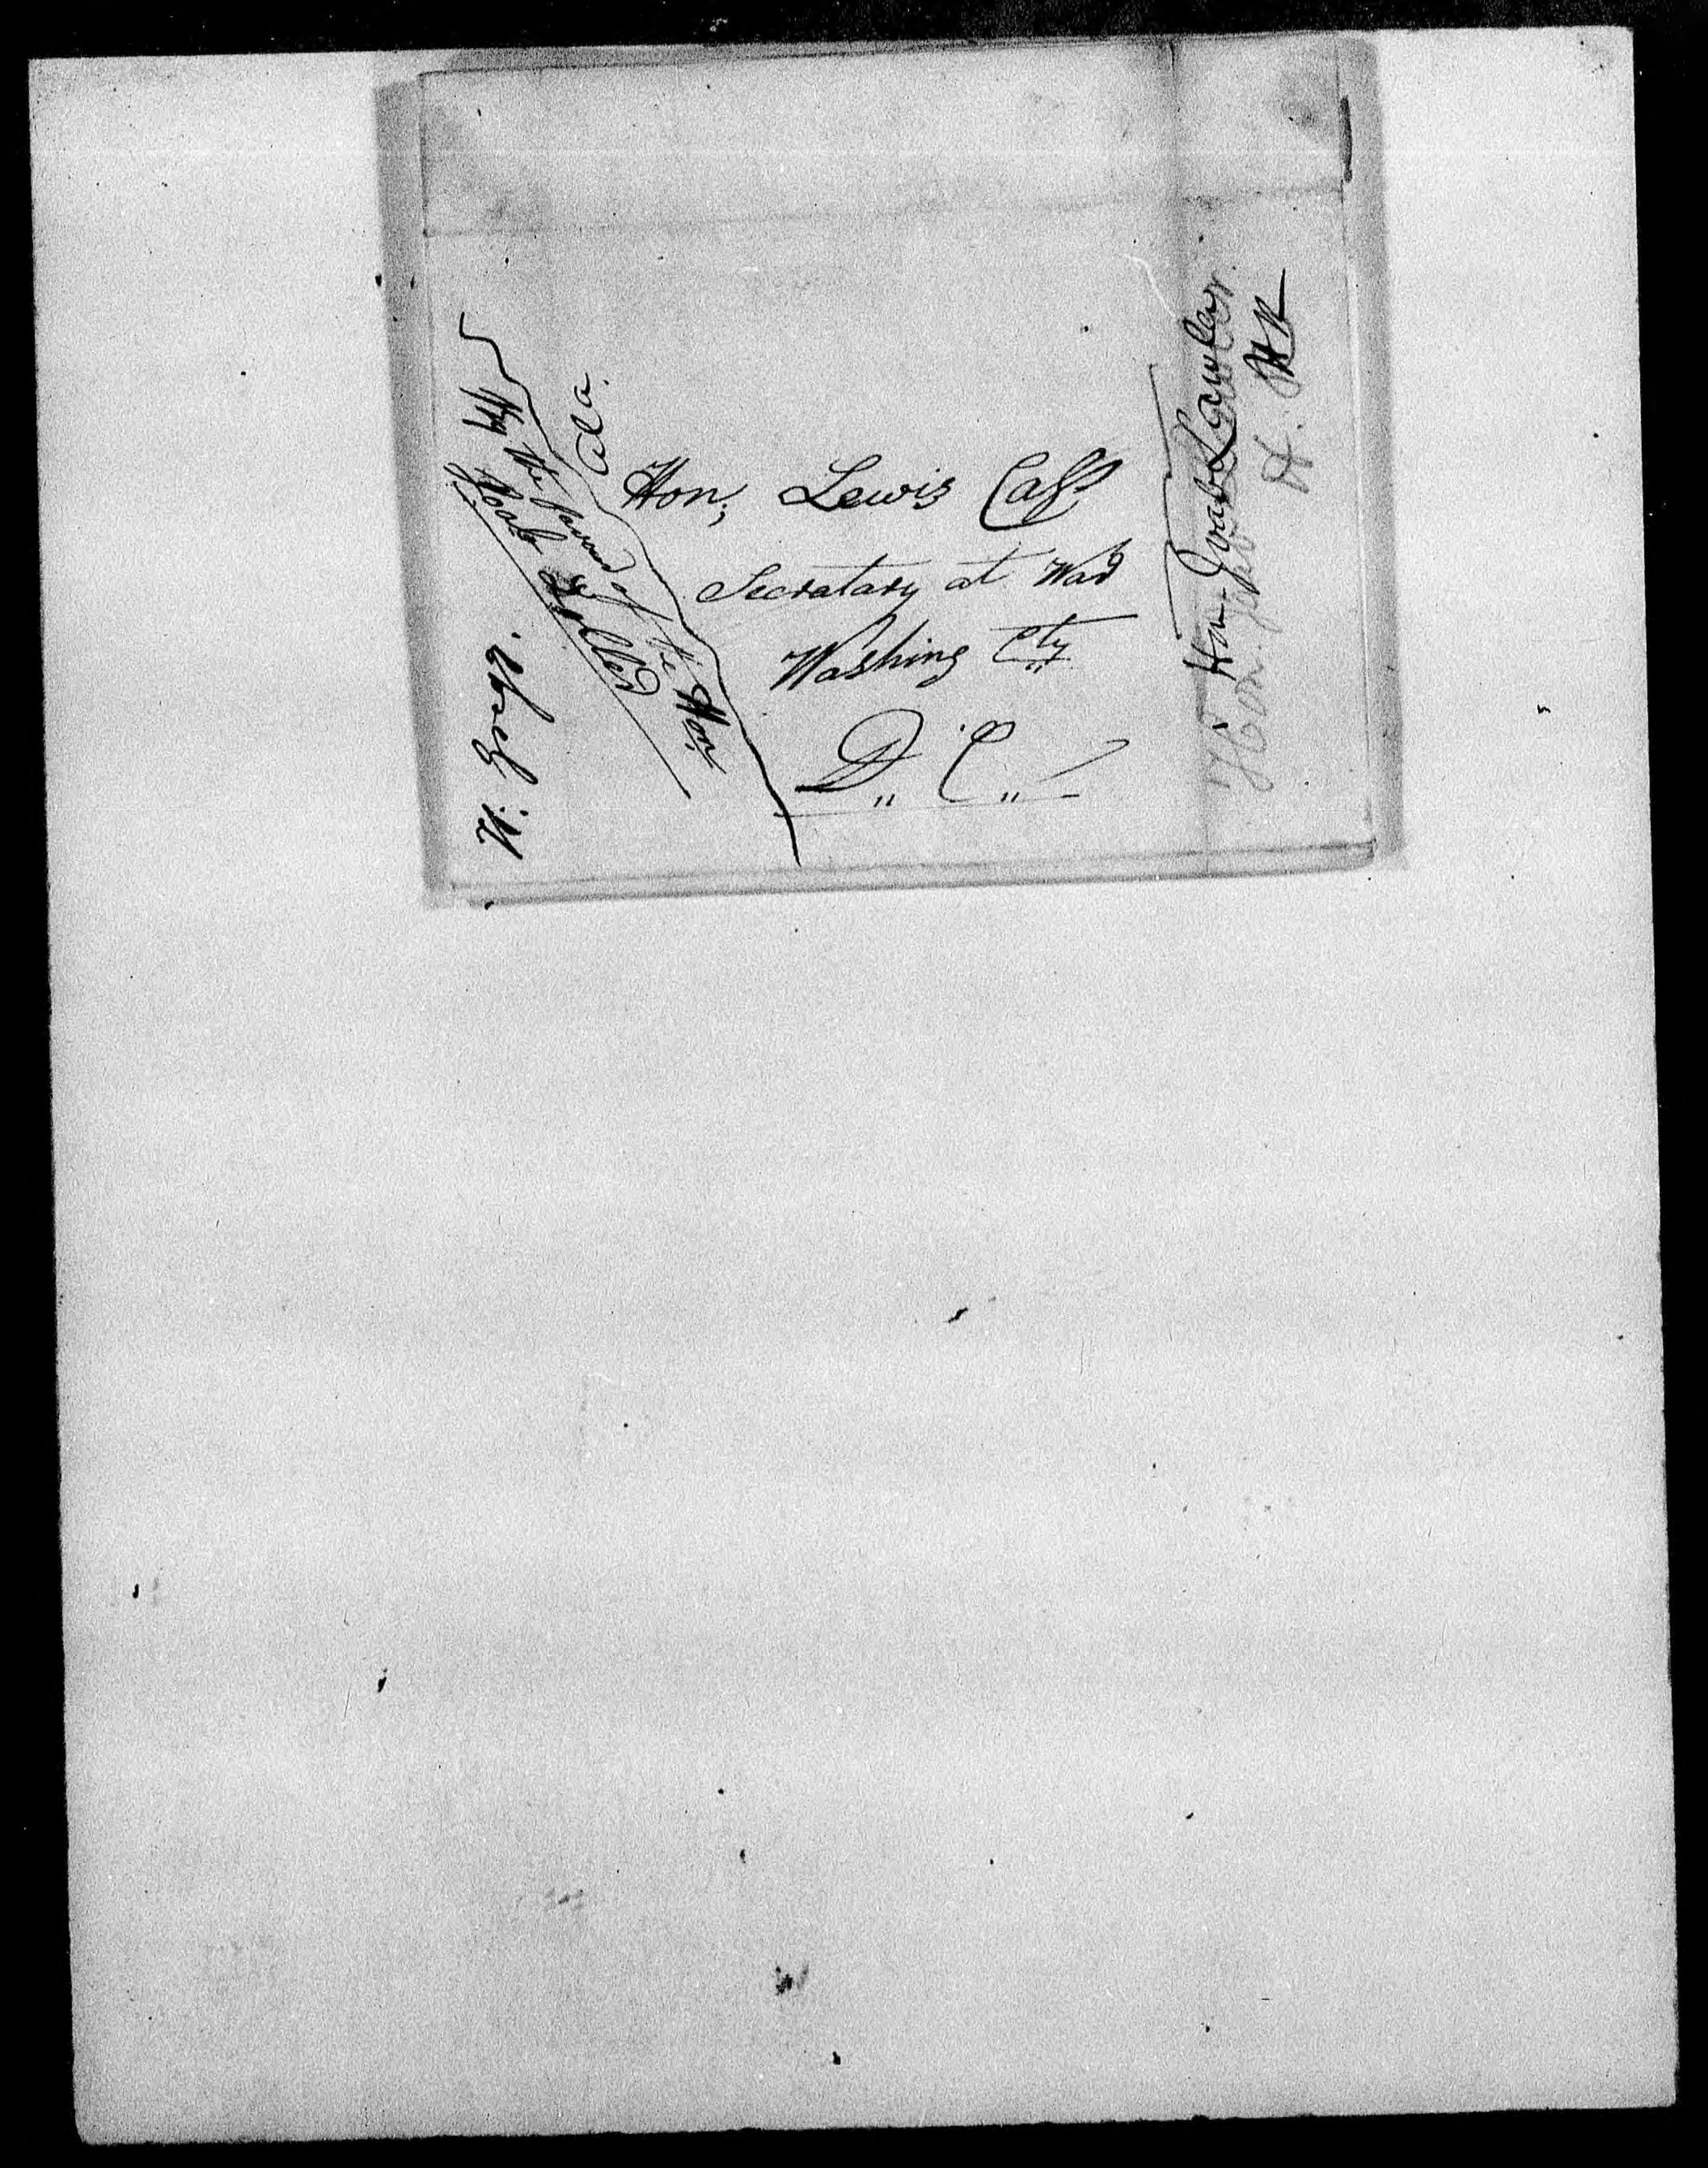Hon. Lewis Cass
Secretary at War
Washing  (Washington) City
D. C.

[Notes
 written on document]

H. Gragg

[illegible initials] the forward of the Hon Joab Lawler

[Illegible initials] Hon Joab Lawler H R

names: Joab Lawler, Lewis Cass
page: 14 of 18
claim: survivor's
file: S. 10,773, Henry Gragg, S.C.